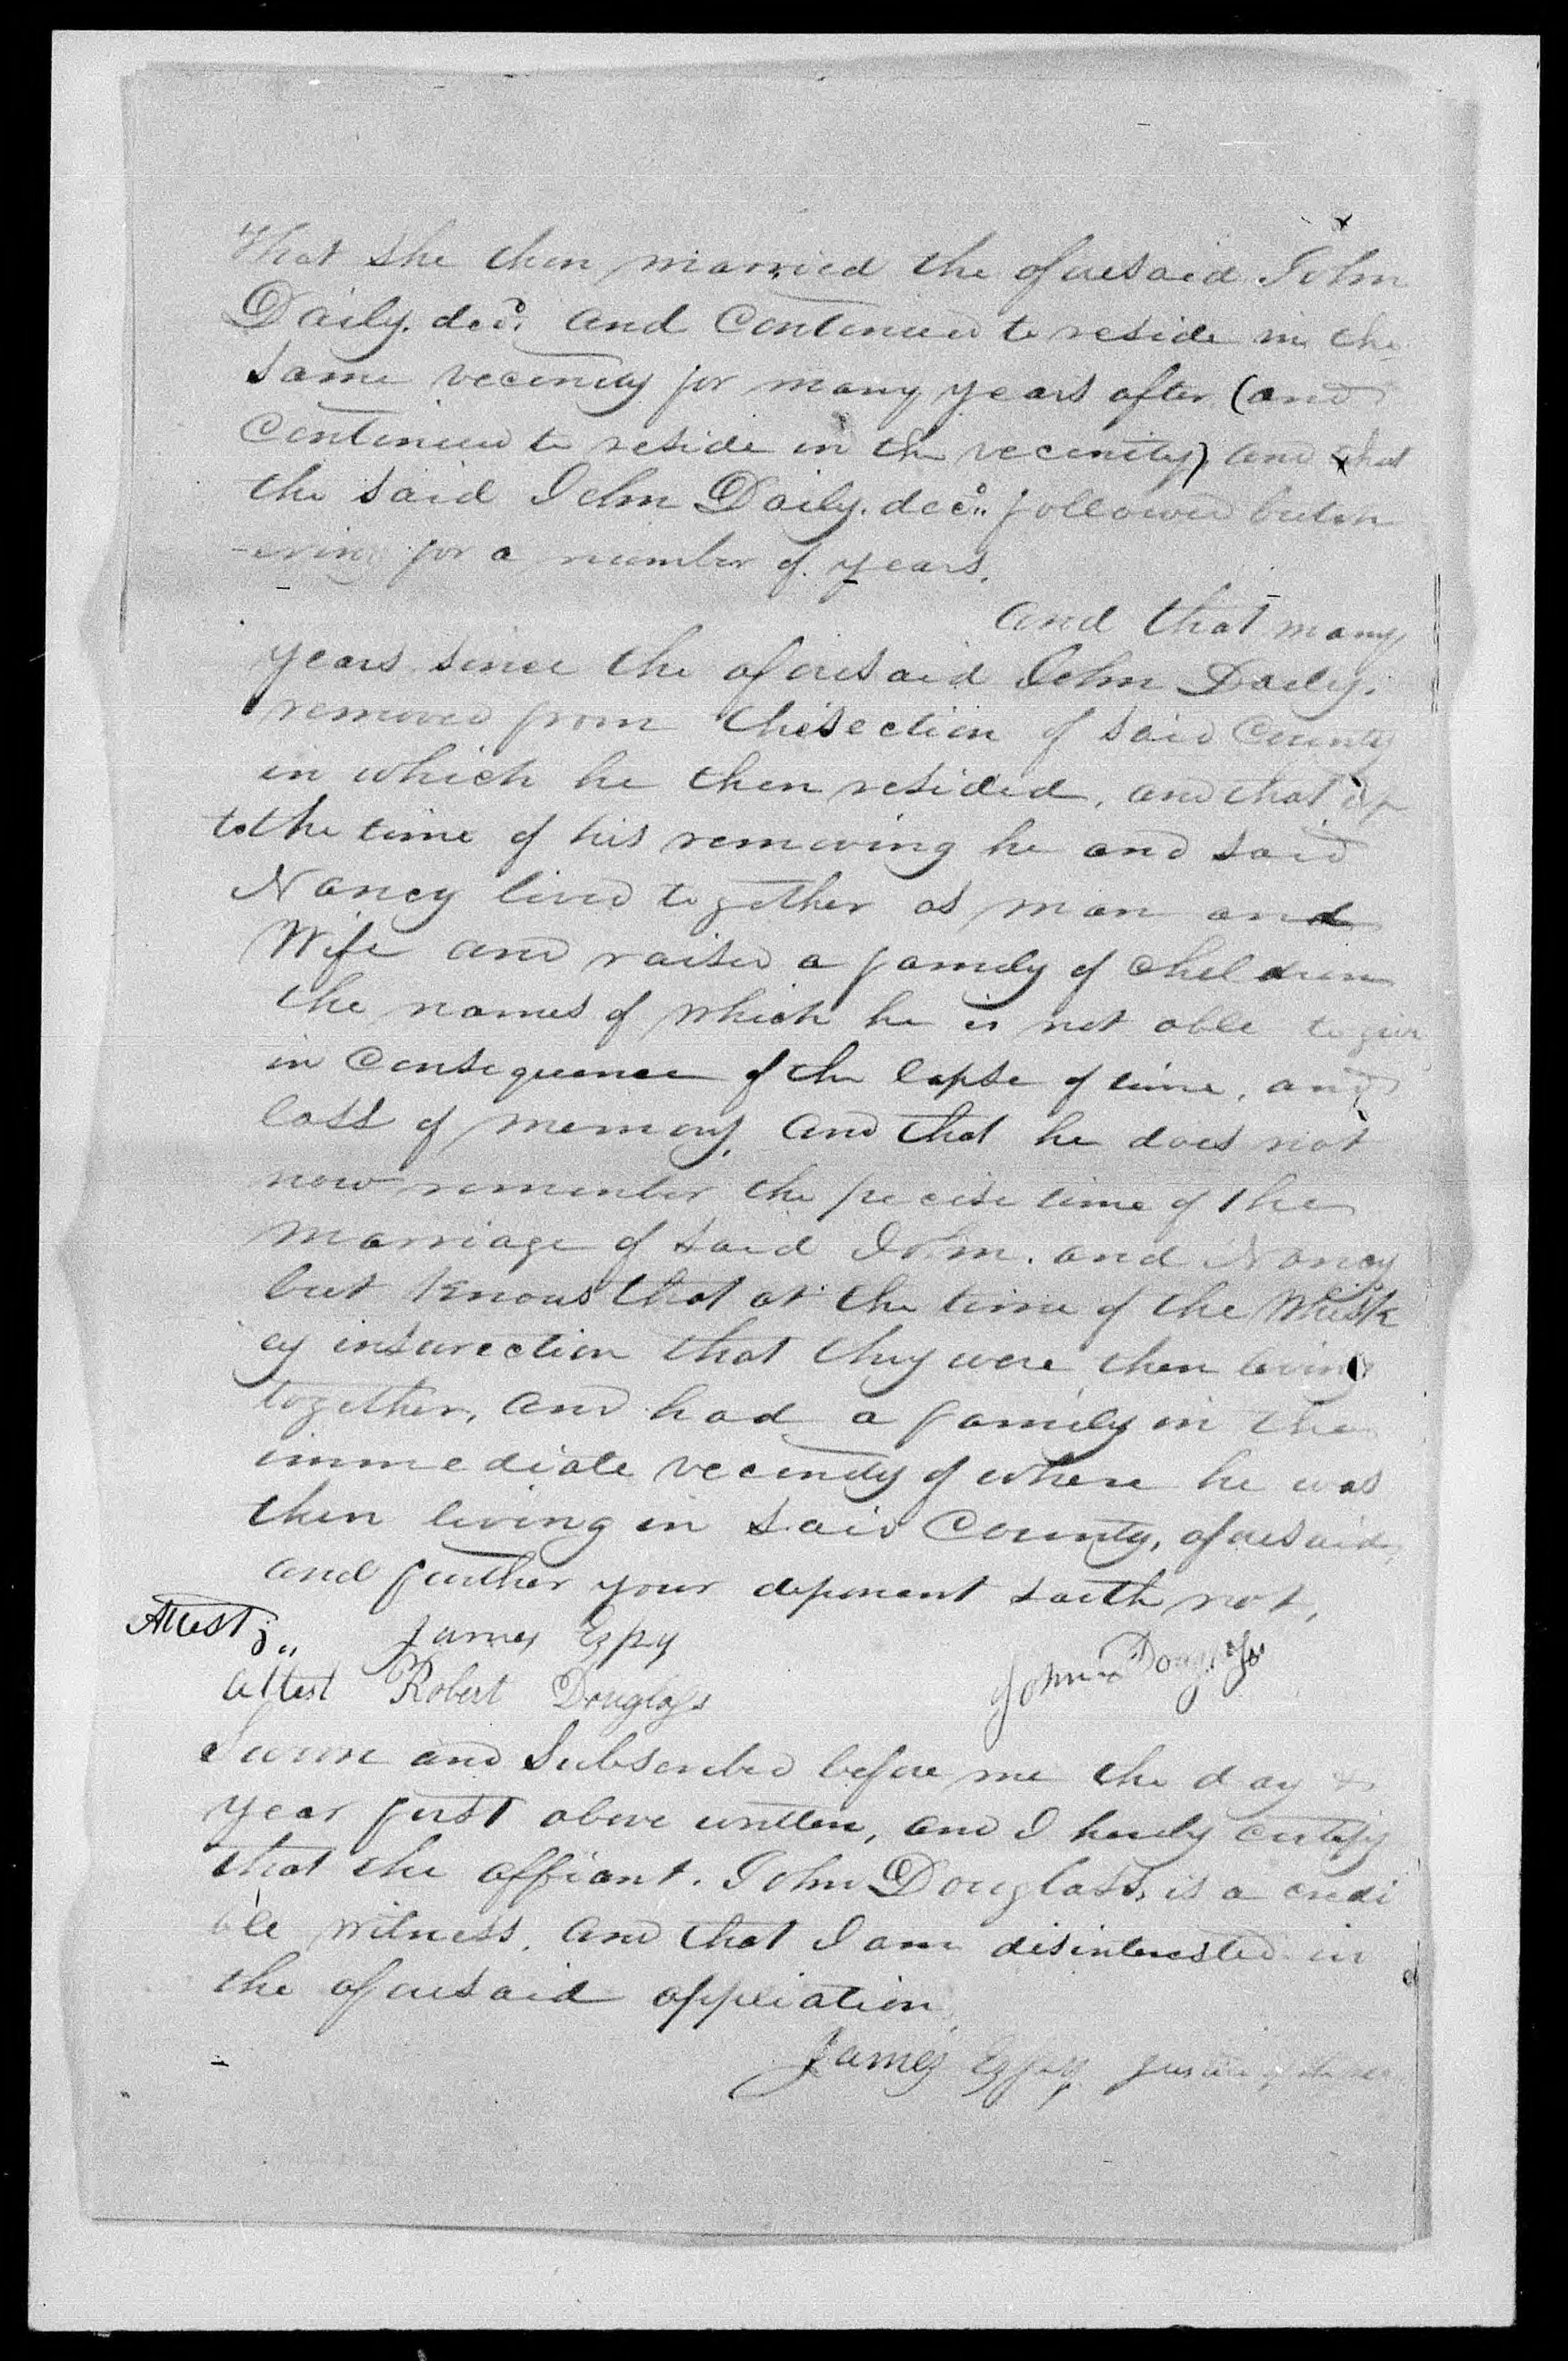That she then married the aforesaid John
Daily decd and continued to reside in the 
same vicinity for many years after (and
continued to reside in the vecinity) and that the
said John Daily decd followed butchering
for a number of years.
and that many
years since the aforesaid John Daily
removed from the section of said County
in which he then resided, and that if
to the time of his removing he and said
Nancy lived together as man and
Wife and raised a family of children
the names of which he is not able to give
in consequence of the lapse of time, and
loss of memory, and that he does not
now remember the precise time of the
marriage of Said John and Nancy
but knows that at the time of the Whiskey
insurection that they were then living
together, and had a family in the
immediate vecinity of where he was
then living in said County, aforesaid
and further your deponent saith not.
Attestd
James Espy
attest Robert Douglass
John Douglass
Sworn and Subscribed before me the day &
year first above written, and I hereby certify
that the affiant, John Douglass, is a credible
witness, and that I am disinterested in
the aforesaid application
James Espy Justice of the Peace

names: Nancy, James Espy, John Daily, John Daily, John Douglass, James Espy, John Daily, Robert Douglass, Nancy, John Douglass, John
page: 30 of 63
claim: widow's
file: W. 3228, John Daly, Penn.